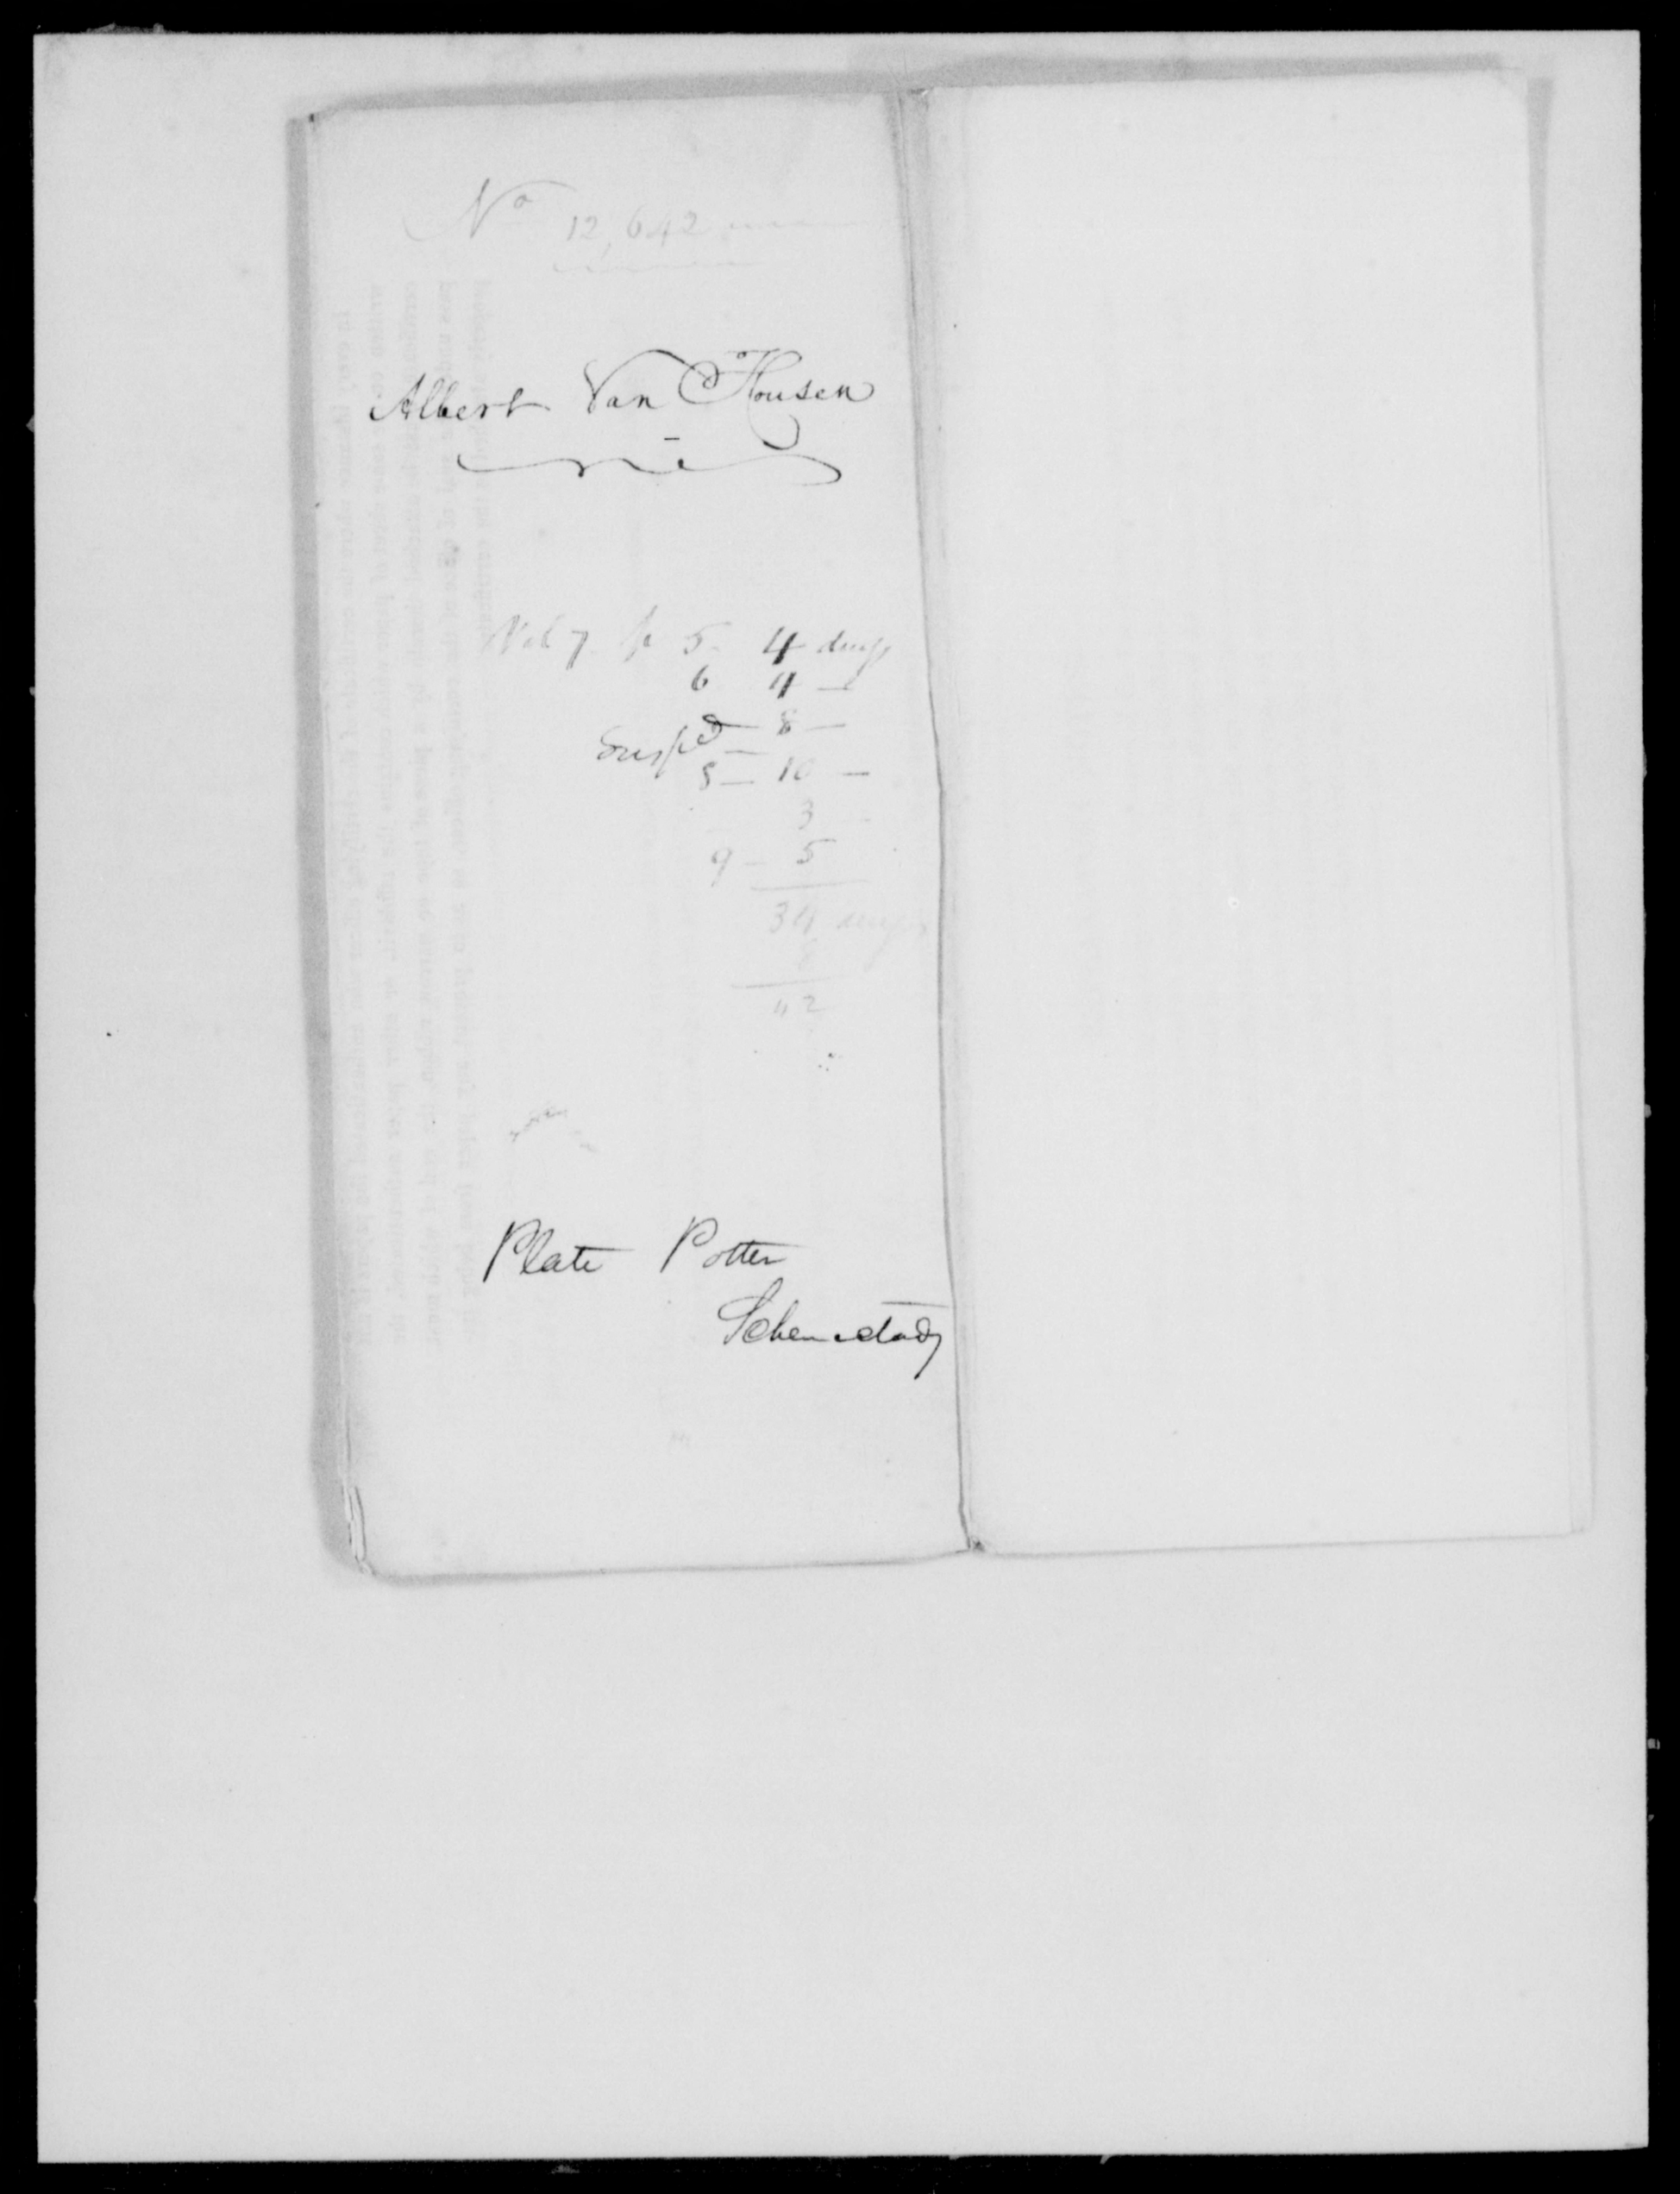No. 12,642
Albert Van Housen 
Vol 7 p 5 4 days
6  4 -
Suspd 8 –
5 – 10 –
3
9 – 5
34 days
8
42
Plate Potter
Schenectady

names: Albert Van Housen, Plate Potter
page: 16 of 57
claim: survivor's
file: S. 28,925, Albert Van Housen, New York